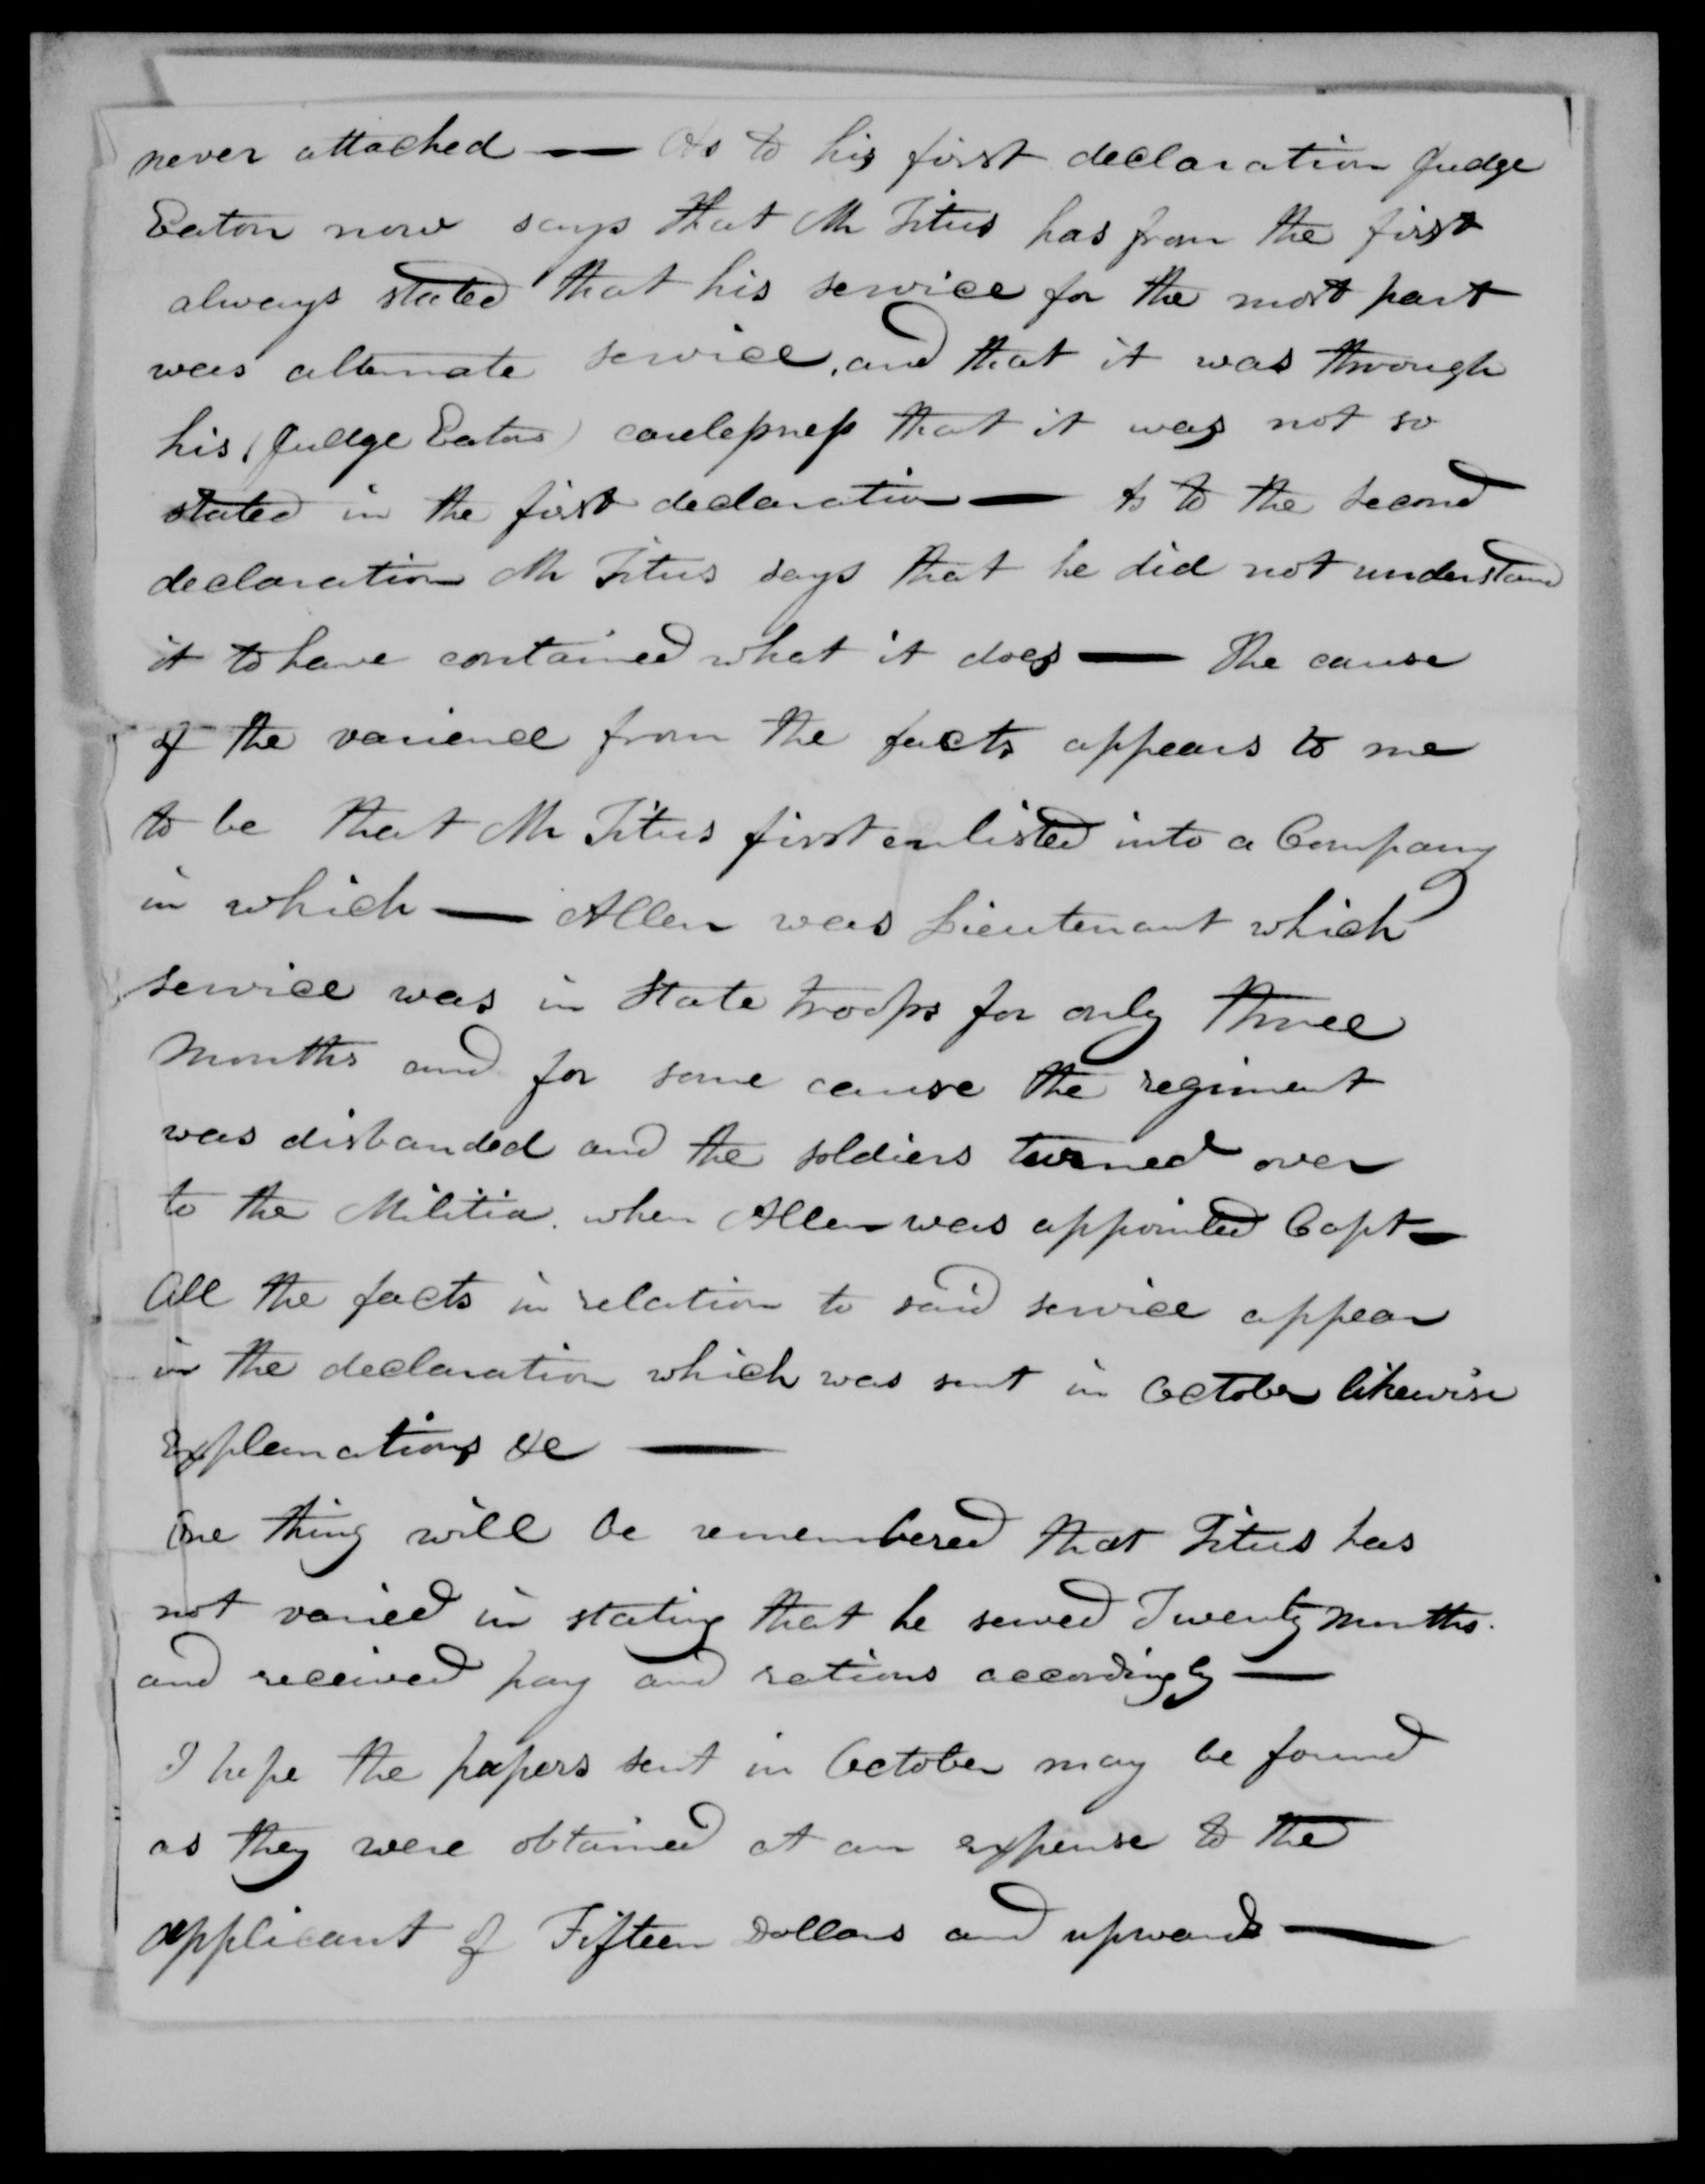never attached ___as to his first declaration Judge Eaton now says that Mr Titus has from the first always stated that his service for the most part  was alternate service, and that it was through his Judge Eatons carelessness that it was not so stated in the first declaration___as to the Second declaration Mr Titus says that he did not understand it to have contained what it does ____ The cause of the variance from the facts appears to me to be that Mr Titus first enlisted into a Company in which____Allen was Lieutenant which service as in State troops for only three months and for some cause the regiment was disbanded and the soldiers turned over to the Militia when Allen was appointed Capt___All the facts in relation to said service appear in the declaration which was sent in October likewise explanations &c

One thing will be remembered that Titus has not varied in stating that he served Twenty months and received pay and rations accordingly__ I hope the papers sent in October may be found as they were obtained at an expense to the applicant of Fifteen Dollars and upward___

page: 20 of 74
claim: survivor's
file: S. 11556, for Simeon Titus, Rhode Island